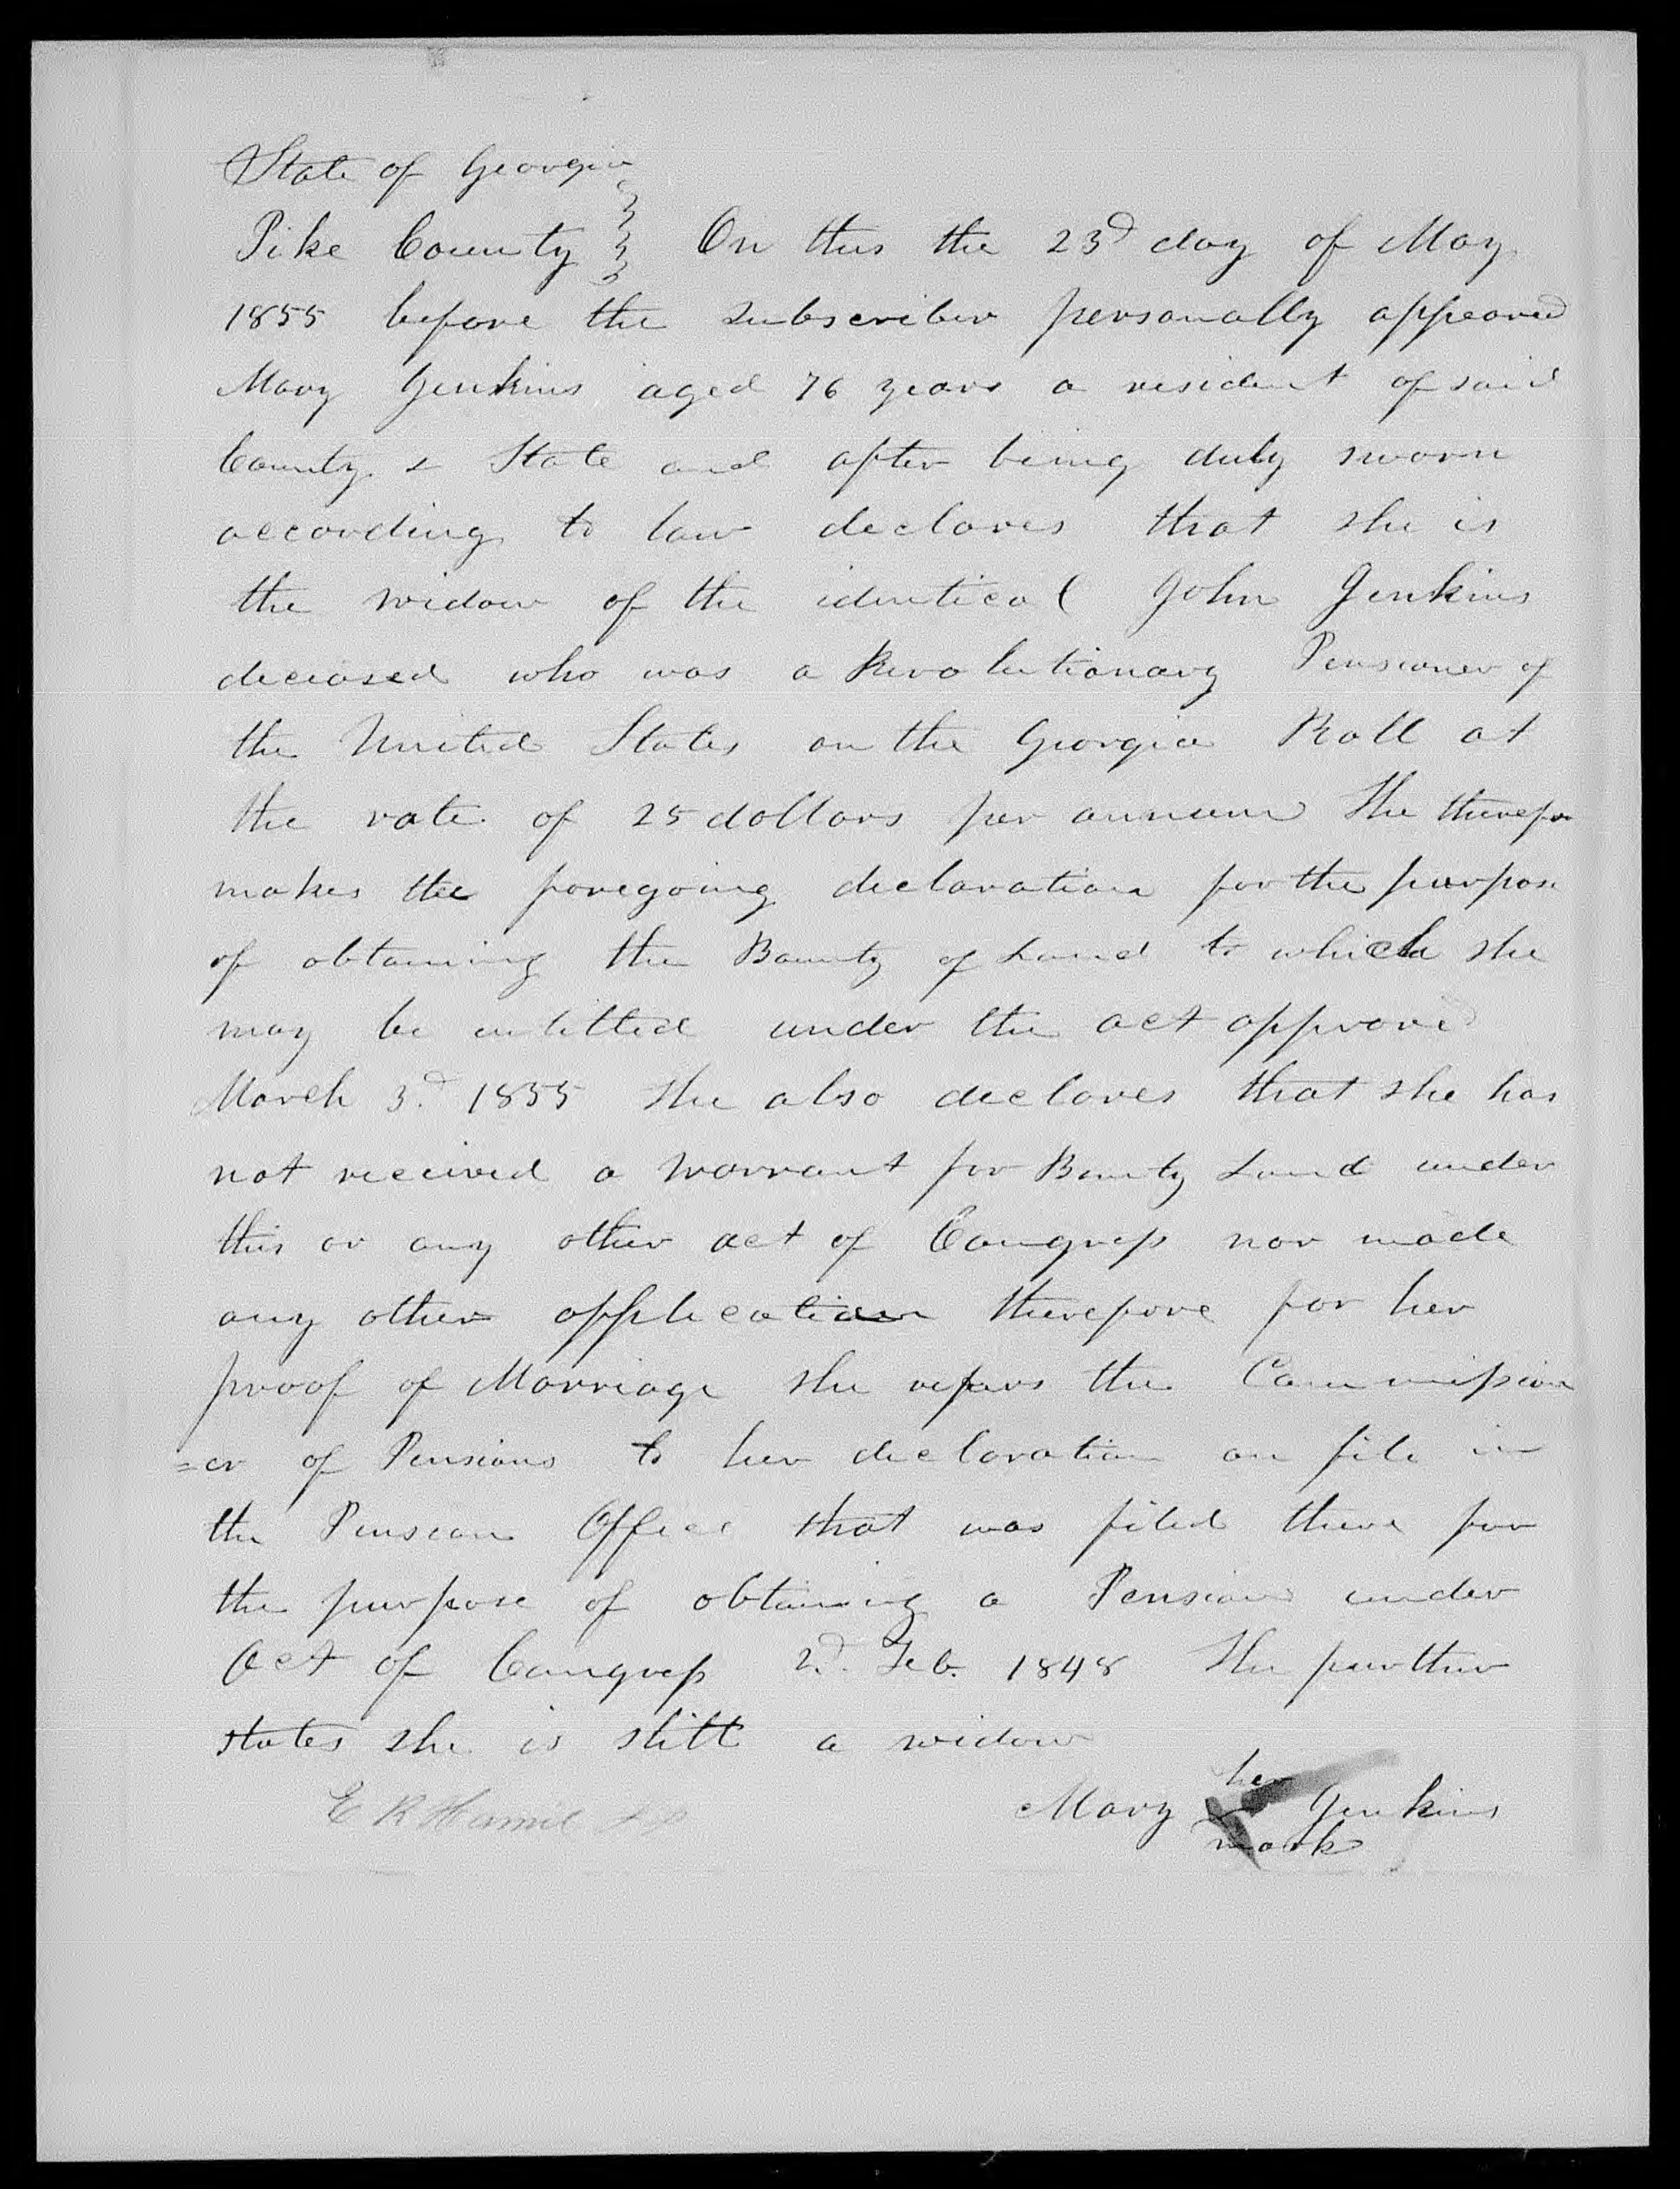State of Georgia
Pike County
On this the 23d day of May 1855 before the subscriber personally appeared Mary Jenkins aged 76 years a resident of said County & State and after being duly sworn according to
law declares that she is the widow of the identical John Jenkins deceased who was a Revolutionary Pensioner of the United States on the Georgia Roll at the rate of 25 dollars per annum the therefor makes the foregoing declaration for the purpose of obtaining the Bounty of Land to which she may be entitled under the act approved March 3 1855 She also declares that she has not received a warrant for Bounty Land under this or any other act of Congress nor made any other application therefore for her proof of Marriage she refers the Commission of Pensions to her declaration on file in the Pension Office that was filed there for the purpose of obtaining a Pension under act of Congress 2d Feb. 1848 She further
states she is still a widow 
Mary Jenkins X her mark
E R Hamil JP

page: 17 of 55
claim: widow's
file: W. 7894, for John Jenkins, Virginia